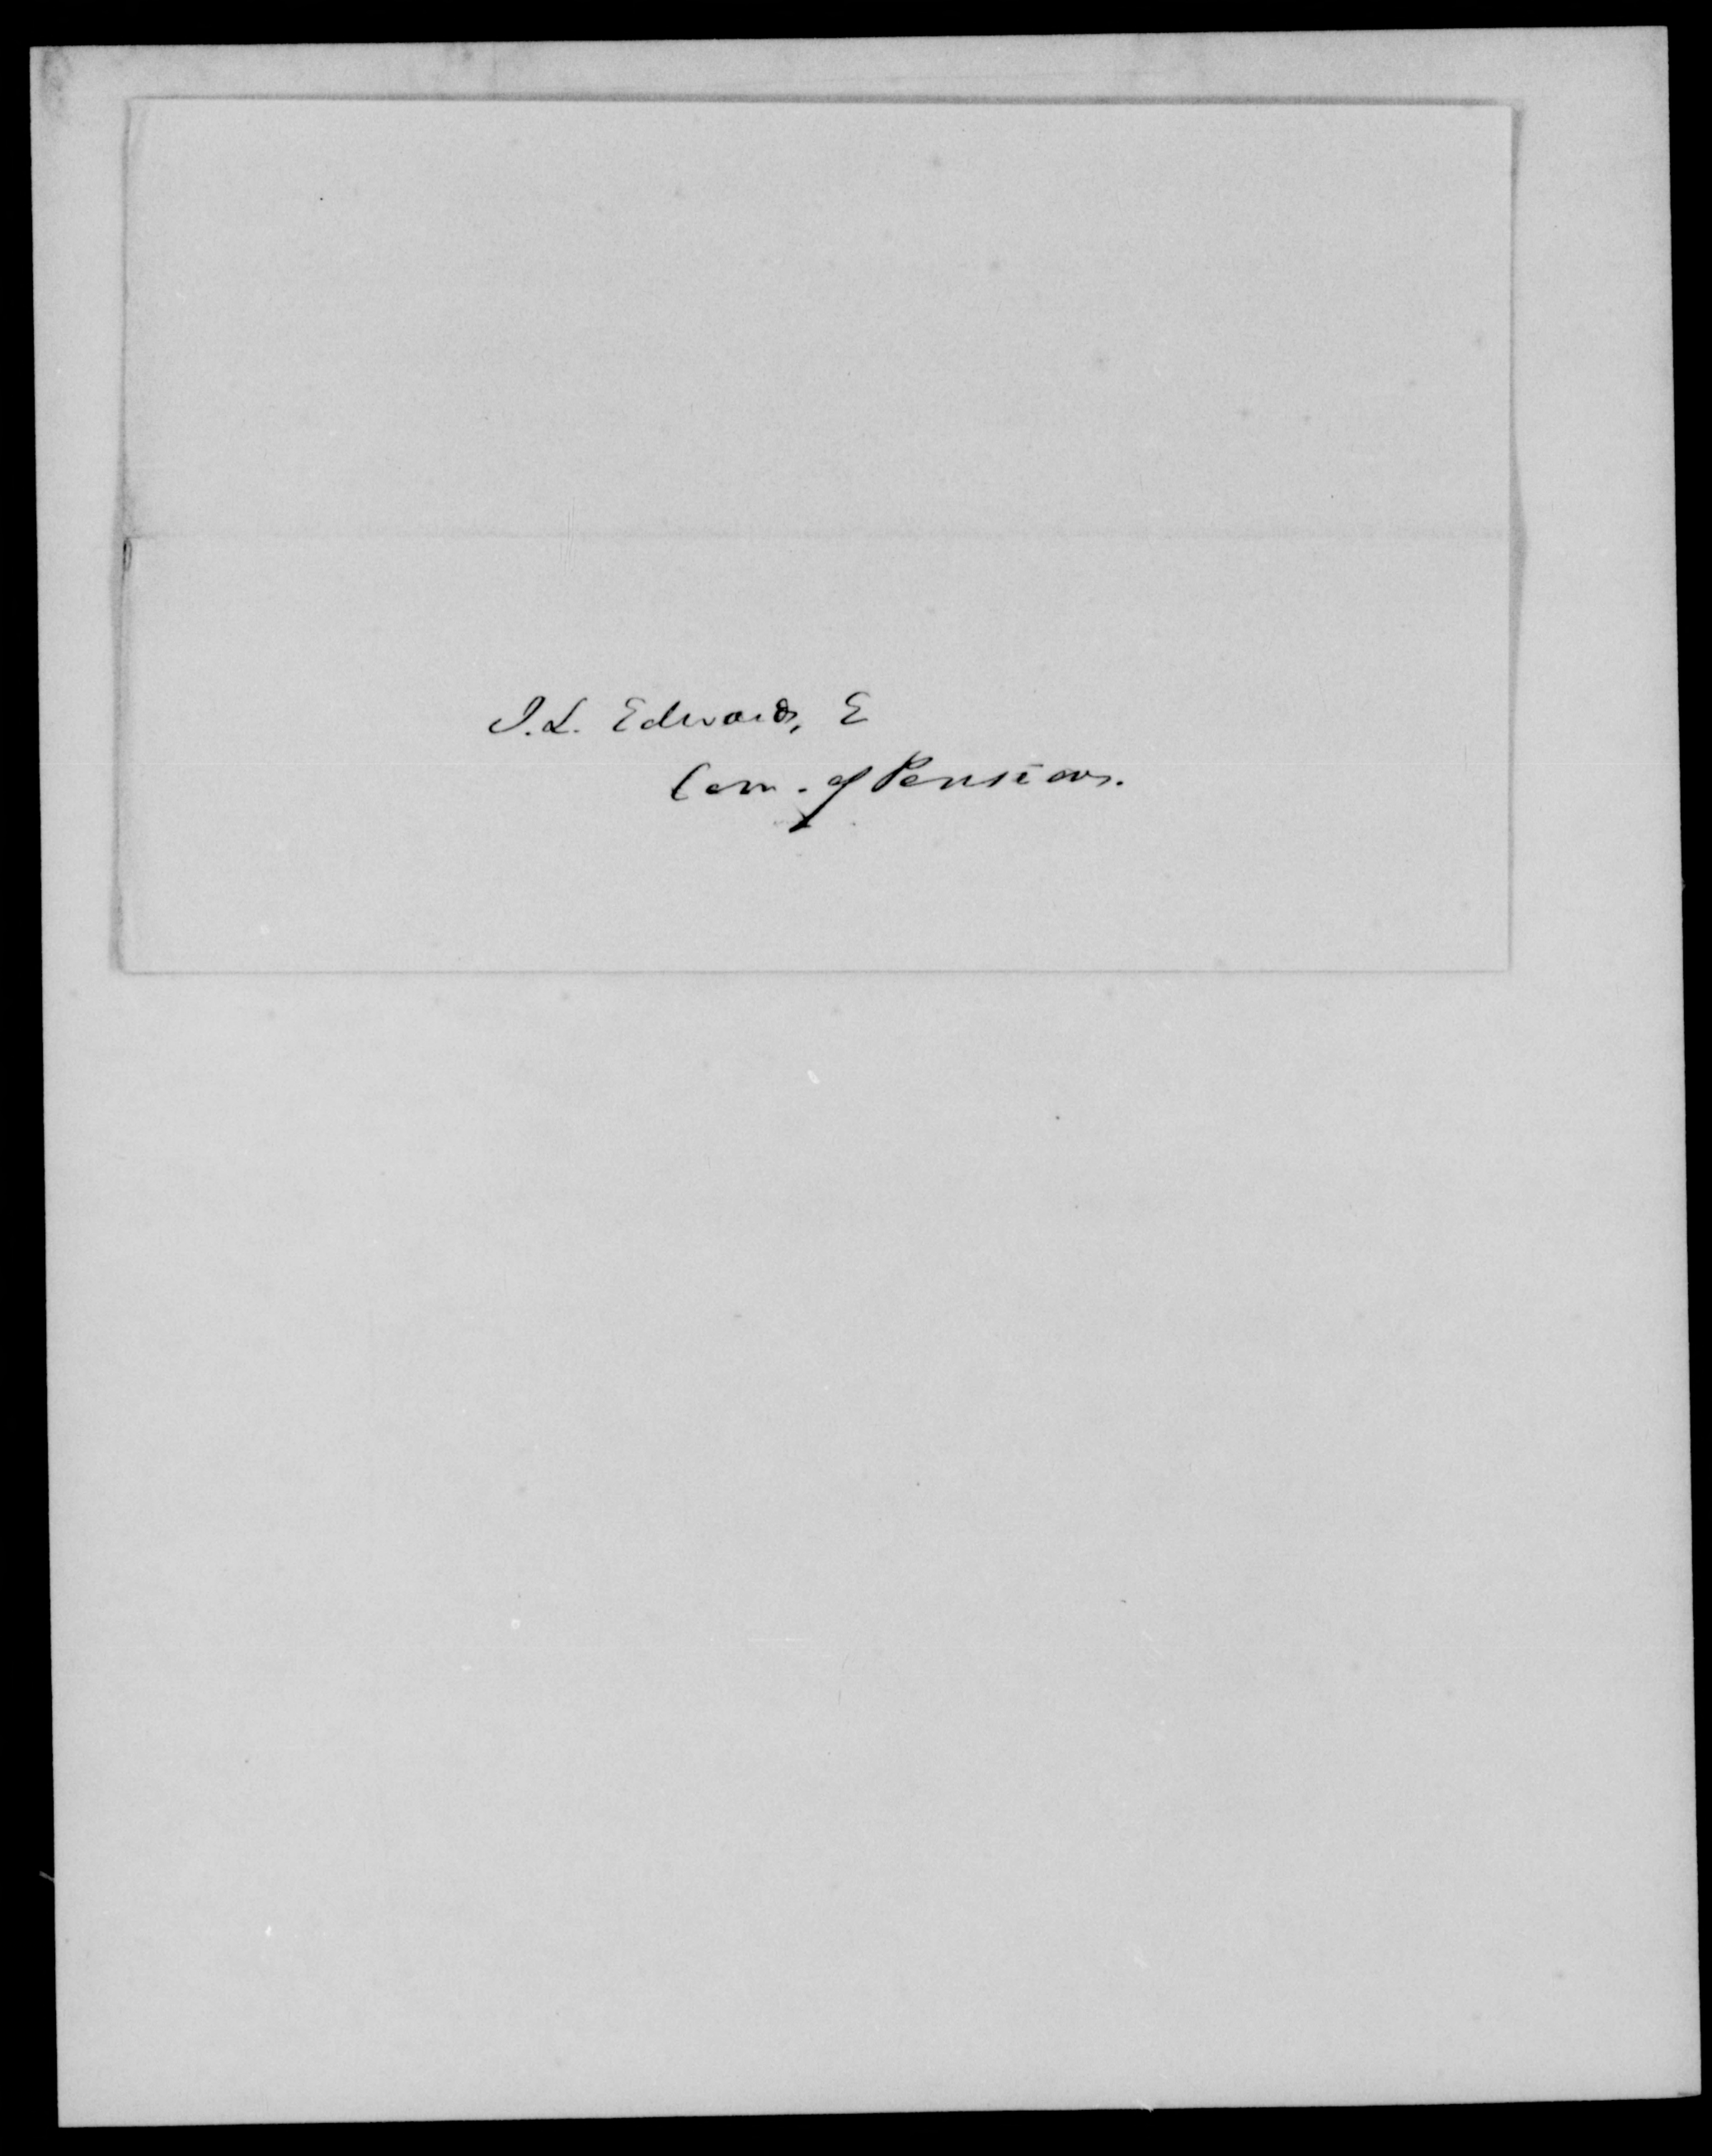J. L. Edwards, E
Com. of Pensions.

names: J L Edwards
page: 20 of 68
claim: survivor's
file: S. 6,358, George Wentling, Penn.